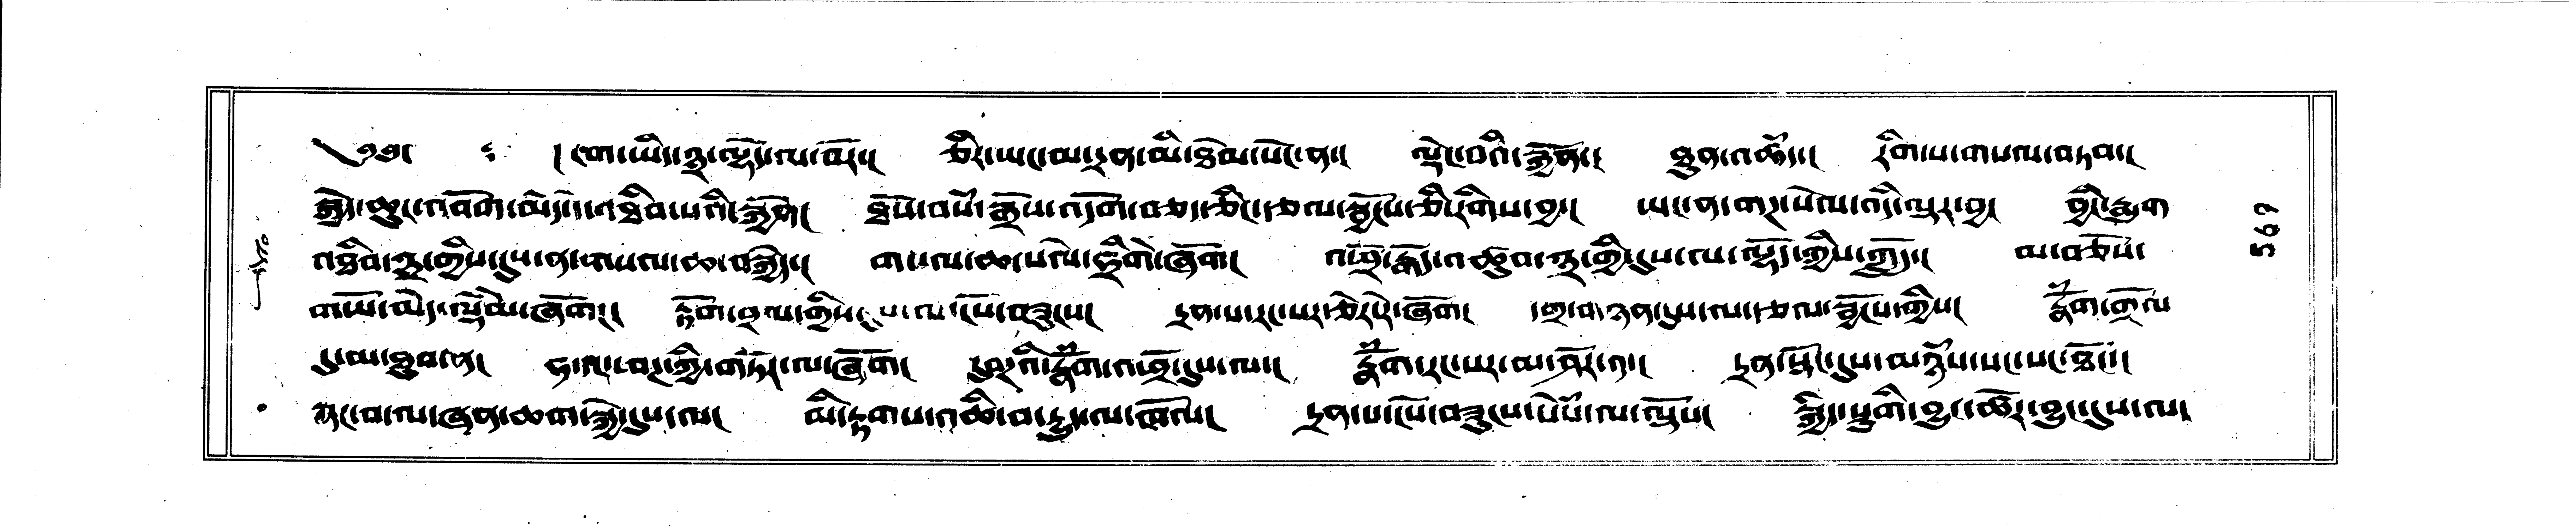ངག་ཡིད་གསུམ་ལྷོད་ལ་བོར། ཅིར་ཡང་མི་དྲན་ཐིམ་མེ་སོང་ན། ལྡིང་པའི་སྐྱོན། ཐུན་མཚམས་བཅད། རིག་པ་གསལ་བཏབ། 
སྐྱེད་ཆུང་བོག་མེད་དེ་འཐས་པའི་སྐྱོན། ཐོས་བསམ་སྒྲོས་འདོག་བཅད་ཅིང་རྩལ་སྦྱོང་ཅི་རིག་བྱ། ཡང་ན་གགས་སེལ་བྱིང་རྨུག་
འཐིབས་གསུམ་གྱི་དུས་ན་གསལ་ཆ་བསྐྱེད། གསལ་ཆ་སལེ་ཧྲིག་གེ་ཞོག འཕྲོ་རྒོད་འཚུབ་གསུམ་གྱིས་དུས་ལ་ལྷོད་ཀྱི་ཀློད། མ་བཅོས་
གཡོ་མེད་ལྡེམ་མེ་ཞོག རྟོག་བྲལ་གྱི་དུས་ལ་ངོས་ཀྱི་བཟུང་། དྲན་པ་རང་སར་ཅེར་རེ་ཞོག དགྲ་གཉན་དུས་ལ་རྩལ་སྦྱོང་གིས། རྣམ་རྟོག་གྲོལ་
དུ་མ་ཐུབ་ན། ཧ་དང་ཕཊ་ཀྱིས་གཏོར་ལ་ཞོག དུག་ལྔའི་རྣམ་རྟོག་འཕྲོ་དུས་ལ། རྣམ་རྟོག་རང་ཁར་མ་ཤོར་ཅིག དྲང་སྟོང་དུས་མཉམ་སང་སང་ཐང་། 
སྣང་བ་ལ་ཞེན་ཆགས་སྐྱེས་དུས་ལ། མི་རྟག་འཆི་བ་རྒྱུད་ལ་ཁོལ། དྲན་པ་ངོས་བཟུང་སེམས་ལ་ལྟོས། སྐྱིད་སྡུག་གིས་བྱུང་ཚོར་བྱུང་དུས་ལ།